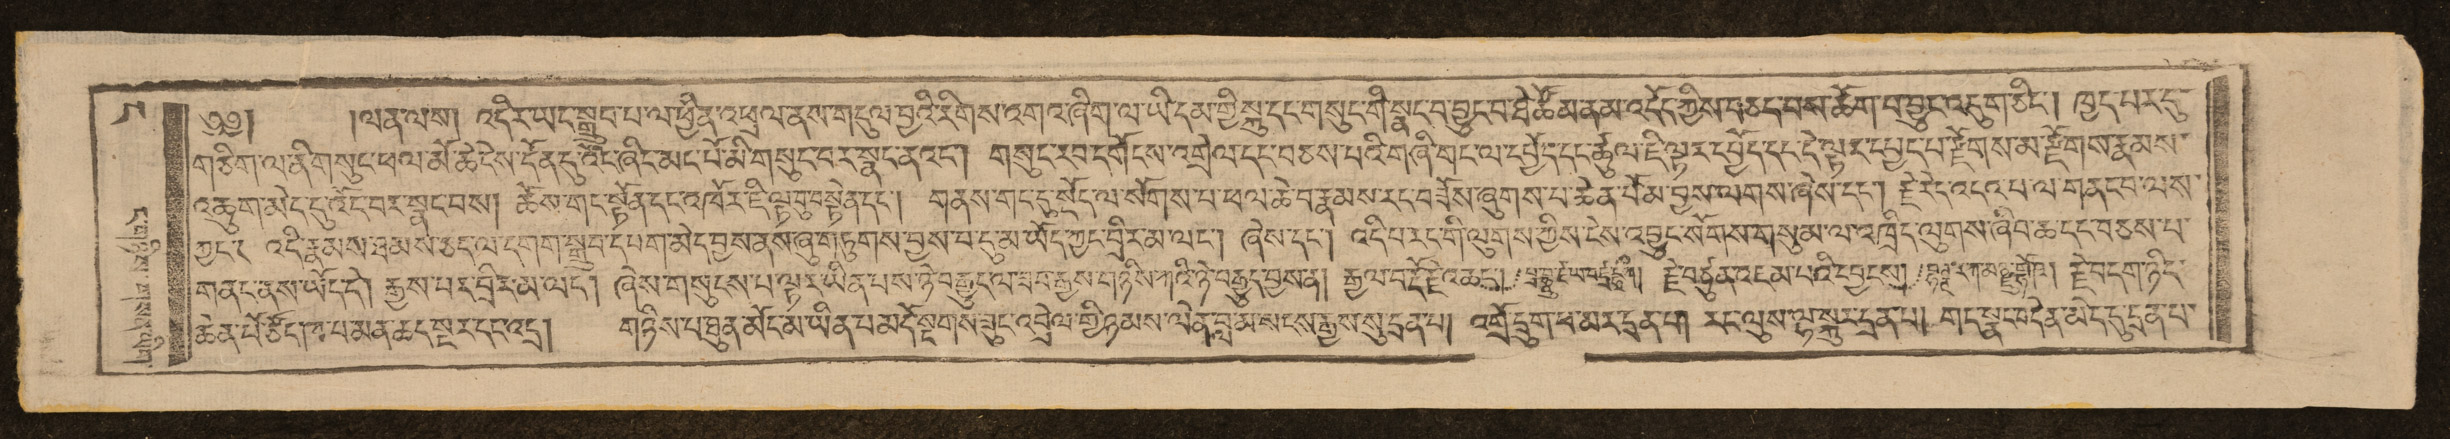༄༅། །ལན་ལས། འདིར་ཡང་སྒྲུབ་པ་ལ་ཕྱིན་འཕྲལ་ནས་གདུལ་བྱའི་རིགས་འགའ་ཞིག་ལ་ཡི་དམ་གྱི་སྐུ་དང་གསུང་གི་སྣང་པ་བྱུང་བ་ཐེ་ཚོམ་ནམ་འདོད་ཀྱིས་བཅད་པས་ཆོག་པ་བྱུང་འདུག་ཅིང་། ཁྱད་པར་དུ་
གཅིག་ལ་ནི་གསུང་ཕལ་མོ་ཚེ་ངེས་དོན་དུ་འོང་ཞིང་མང་པོ་མི་གསུང་བར་སྣང་ནའང་། གསུང་རབ་དགོངས་འགྲེལ་དང་བཅས་པའི་གཞི་གང་ལ་དཔྱོད་དང་ཚུལ་ཇི་ལྟར་དཔྱོད་དང་དེ་ལྟར་དཔྱད་པ་རྫོགས་མ་རྫོགས་རྣམས་
འཆུག་མེད་དུ་འོང་བར་སྣང་བས། ཆོས་གང་སྟོན་དང་འཁོར་ཇི་ལྟར་བསྟེན་དང་། གནས་གང་དུ་སྔོད་ལ་སོགས་པ་ཕལ་ཆེ་བ་རྣམས་རང་བཟོས་ཞུགས་པ་ཆེན་པོ་མ་བྱས་ལགས་ཞེས་དང་། རྗེ་རེད་འདའ་པ་ལ་གནང་བ་ལས་
ཀྱང༑ འདི་རྣམས་ཐམས་ཅད་ཅད་ལ་དགག་སྒྲུབ་དཔག་མེད་བྱས་ནས་ཞུ་གཏུགས་བྱས་པ་དུ་མ་ཡོད་ཀྱང་བྲིར་མ་ལང་། ཞེས་དང་། འདི་པ་རང་གི་ལུགས་ཀྱིས་ངེས་འབྱུང་སོགས་གསུམ་ལ་འཁྲིད་ལུགས་ཞིབ་ཆ་དང་བཅས་པ་
གནད་ནས་ཡོད་དེ། རྒྱས་པར་བྲིར་མ་ལང་། ཞེས་གསུངས་པ་ལྟར་ཡིན་པས་ཉེ་བརྒྱུད་ལ་ཟབ་རྒྱས་གཉིས་ཀའི་ཉེ་བརྒྱུད་བྱས་ན། རྒྱལ་བ་རྡོ་རྗེ་འཆང་། པྲ་བྷཱུ་ཛ་ཡ་བཛྲ་དྷྲ་ཀཾ། རྗེ་བཙུན་འཇམ་པའི་དབྱངས། དྷཊྚྲར་ཀ་མཉྫུ་ཁོ་ཥ། རྗེ་བདག་ཉིད་
ཆེན་པོ་ཅིང་ཁ་པ་མན་ཆད་སྔར་དང་འདྲ། གཉིས་པ་ཐུན་མོང་མ་ཡིན་པ་མདོ་སྔགས་ཟུང་འབྲེལ་གྱི་ཉམས་ལེན་བླ་མ་སངས་རྒྱས་སུ་དྲན་པ། འགྲོ་དྲུག་ཕ་མར་དྲན་པ། རང་ལུས་ལྷ་སྐུར་དྲན་པ། གང་སྣང་བདེན་མེད་དུ་དྲན་པ་